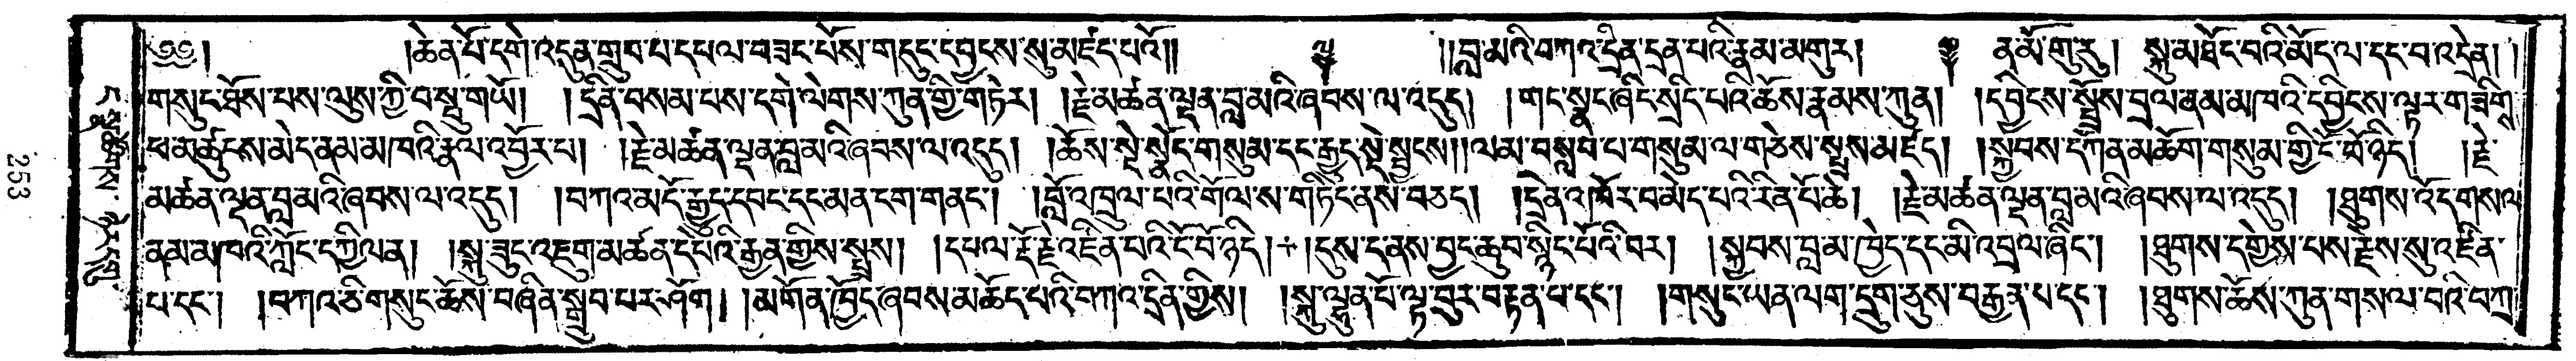༄༅། །ཆེན་པོ་དགེ་འདུན་གྲུབ་པ་དཔལ་བཟང་པོས་གདུང་དབྱངས་སུ་མཛད་པའོ།། ༈ །།བླ་མའི་བཀའ་དྲིན་དྲན་པའི་རྣམ་མགུར། ༈ ན་མོ་གུ་རུ། སྐུ་མཐོང་བའི་མོད་ལ་དང་བ་འདྲེན། །
གསུང་ཐོས་པས་ལུས་ཀྱི་བ་སྦུ་གཡོ། །དྲིན་བསམ་པས་དགེ་ལེགས་ཀུན་གྱི་གཏེར། །རྗེ་མཚན་ལྡན་བླ་མའི་ཞབས་ལ་འདུད། །གང་སྣང་ཞིང་སྲིད་པའི་ཆོས་རྣམས་ཀུན། །དབྱིངས་སྦྲོས་བྲལ་ནམ་མཁའི་དབྱིངས་ལྟར་གཟིགས་
ཕ་མཚུངས་མེད་ནམ་མཁའི་རྣལ་འབྱོར་པ། །རྗེ་མཚན་ལྡན་བླ་མའི་ཞབས་ལ་འདུད། །ཆོས་སྡེ་སྣོད་གསུམ་དང་རྒྱུད་སྡེ་སྦྱངས། །ལམ་བསླབ་པ་གསུམ་ལ་གཅེས་སྤྲས་མཛད། །སྐྱབས་དཀོན་མཆོག་གསུམ་གྱི་ངོ་བོ་ཉིད། །རྗེ་
མཚན་ལྡན་བླ་མའི་ཞབས་ལ་འདུད། །བཀའ་མོད་རྒྱུད་དབང་དང་མན་ངག་གནང་། །བློ་འཁྲུལ་པའི་གོལ་ས་གཏིང་ནས་བཅད། །དྲེན་འཁོར་བ་མེད་པའི་རིན་པོ་ཆེ། །རྗེ་མཚན་ལྡན་བླ་མའི་ཞབས་ལ་འདུད། །ཐུགས་འོད་གསལ་
ནམ་མཁའི་ཀློང་དཀྱིལ་ན། །སྐུ་ཟུང་འཇུག་མཚན་དཔེའི་རྒྱན་གྱིས་སྤྲས། །དཔལ་རྡོ་རྗེ་འཛིན་པའི་ངོ་བོ་ཉིད། ྾་།དུས་ད་ནས་བྱང་ཆུབ་སྙིང་པོའི་བར། །སྐྱབས་བླ་མ་ཁྱེད་དང་མི་འབྲལ་ཞིང་། །ཐུགས་དགྱེས་པས་རྗེས་སུ་འཛིན་
པ་དང་། །བཀའ་ཅི་གསུང་ཆོས་བཞིན་སྒྲུབ་པར་ཤོག། །མགོན་ཁྱོད་ཞབས་མཆོད་པའི་བཀའ་དྲིན་གྱིས། །སྐུ་ལྷུན་པོ་ལྟ་བུར་བརྟན་པ་དང་། །གསུང་ཡན་ལག་དྲུག་ཅུས་བརྒྱན་པ་དང་། །ཐུགས་ཆོས་ཀུན་གསལ་བའི་བཀྲ་